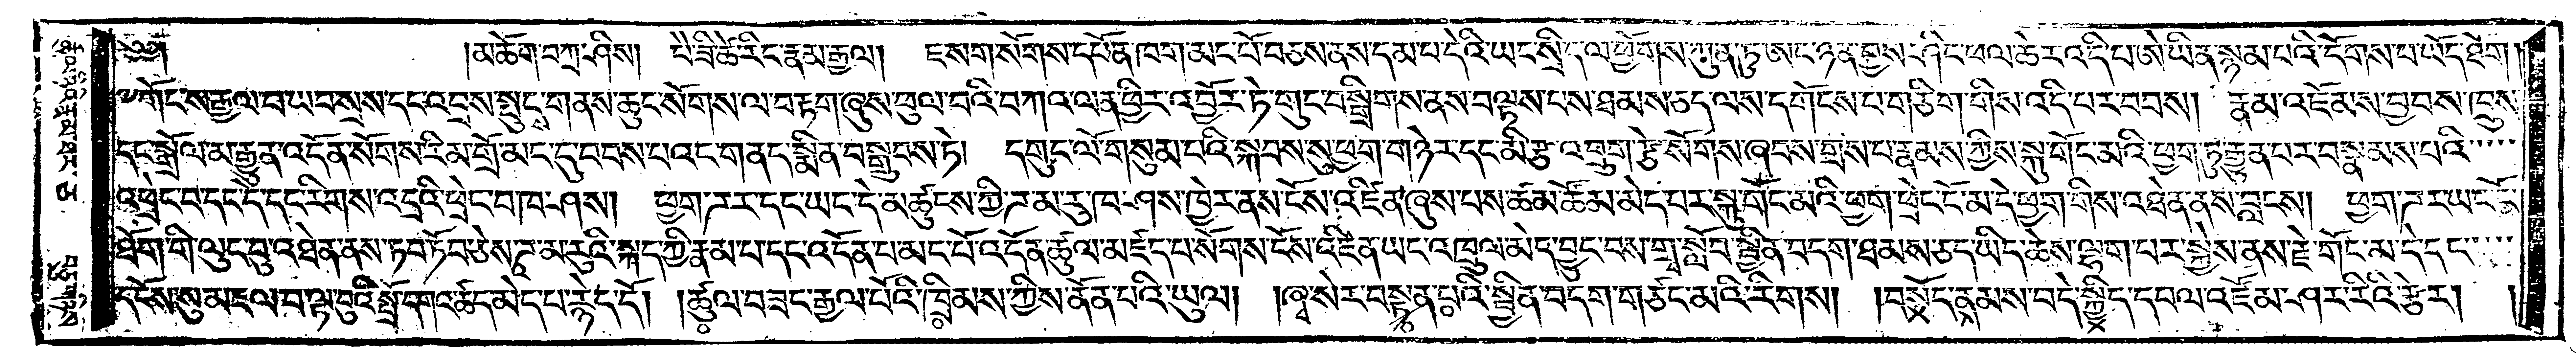༄༅། །མཆོག་བཀྲ་ཤིས། བཻ་ཟི་ཚེ་རིང་རྣམ་རྒྱལ། ཇ་སག་སོགས་དཔོན་ཁག་མང་པོ་བཅས་ནས་དམ་པ་དེའི་ཡང་སྲིད་ལ་ཕྱོགས་ཀུན་ཏུ་ཨང་ཉན་བྱས་ཤིང་ཕལ་ཆེར་འདི་བ་ཨེ་ཡིན་སྙམ་པའི་དོགས་པ་ཡོད་ཐོག་
༧གོང་ས་རྒྱལ་བ་ཡབ་སྲས་དང་འབྲས་སྤུངས་གནས་ཆུང་སོགས་ལ་བརྟག་ཞུས་ཕུལ་བའི་བཀའ་ལན་ཕྱིར་འབྱོར་ཏེ་གུང་བསྒྲིགས་ནས་བལྟས་པས་ཐམས་ཅད་ལས་དགོངས་བ་གཅིག་གིས་འདི་བར་བབས། རྣམ་འཇོམས་བྱབས་ཁྲུས་
དང་སྒྲོལ་མ་རྒྱུན་འདོན་སོགས་རིམ་གྲོ་མང་དུ་བབས་བའང་གནད་སྨིན་བསྒྲུབས་ཏེ། དགུང་ལོ་གསུམ་པའི་སྐབས་སུ་ཕྱག་གཉེར་དང་མི་རྩ་འབྲུག་རྩེ་སོགས་ཞབས་གྲས་པ་རྣམས་ཀྱིས་སྐུ་གོང་མའི་ཕྱག་ཏུ་རྒྱུན་པར་བསྣམས་བའི་
འཕྲེང་བ་དང་དེ་དང་རིགས་འདྲའི་ཕྲེང་བ་ཁ་ཤས། ཕྱག་ཌར་དང་ཡང་དེ་མཚུངས་ཀྱི་ཌ་མ་རུ་ཁ་ཤས་ཁྱེར་ནས་ངོས་འཛིན་ཞུས་པས་ཚམ་ཚོམ་མེད་བར་སྐུ་གོང་མའི་ཕྱག་ཕྲེང་ངོ་མ་དེ་ཕྱག་གིས་འཐེན་ནས་བླངས། ཕྱག་ཌར་ཡང་ངོ་
ཐོག་གི་ལུང་བུ་འཐེན་ནས་ཏབ་ཏོབ་ཅེས་ཌཱ་མ་རུའི་སྐད་ཀྱི་རྣམ་པ་དང་འདོན་པ་མང་པོ་འདོན་ཚུལ་མཛད་བ་སོགས་ངོས་འཛིན་ཡང་འཁྲུལ་མེད་བྱུང་བས་གྲྭ་སློབ་སྦྱིན་བདག་ཐམས་ཅད་ཡིད་ཆེས་ལྷག་པར་སྐྱེས་ནས་རྗེ་གོང་མ་དེ་དང་
དངོས་སུ་མཇལ་བ་ལྟ་བུའི་སྤྲོ་དགའ་ཚད་མེད་པ་རྙེད་དོ། །ཚུལ྾་བཟང་རྒྱལ་པོའི་ཁྲིམས྾་ཀྱིས་ནོན་པའི་ཡུལ། །ཞྭ་སེར་བསྟན྾་པའི྾་སྦྱིན་བདག་གཙང་མའི་རིགས། །བསོད྾་ནམས྾་བདེ་སྐྱིད྾་དཔལ་འཛོམ་ཤར་རིའི་རྩེར། །